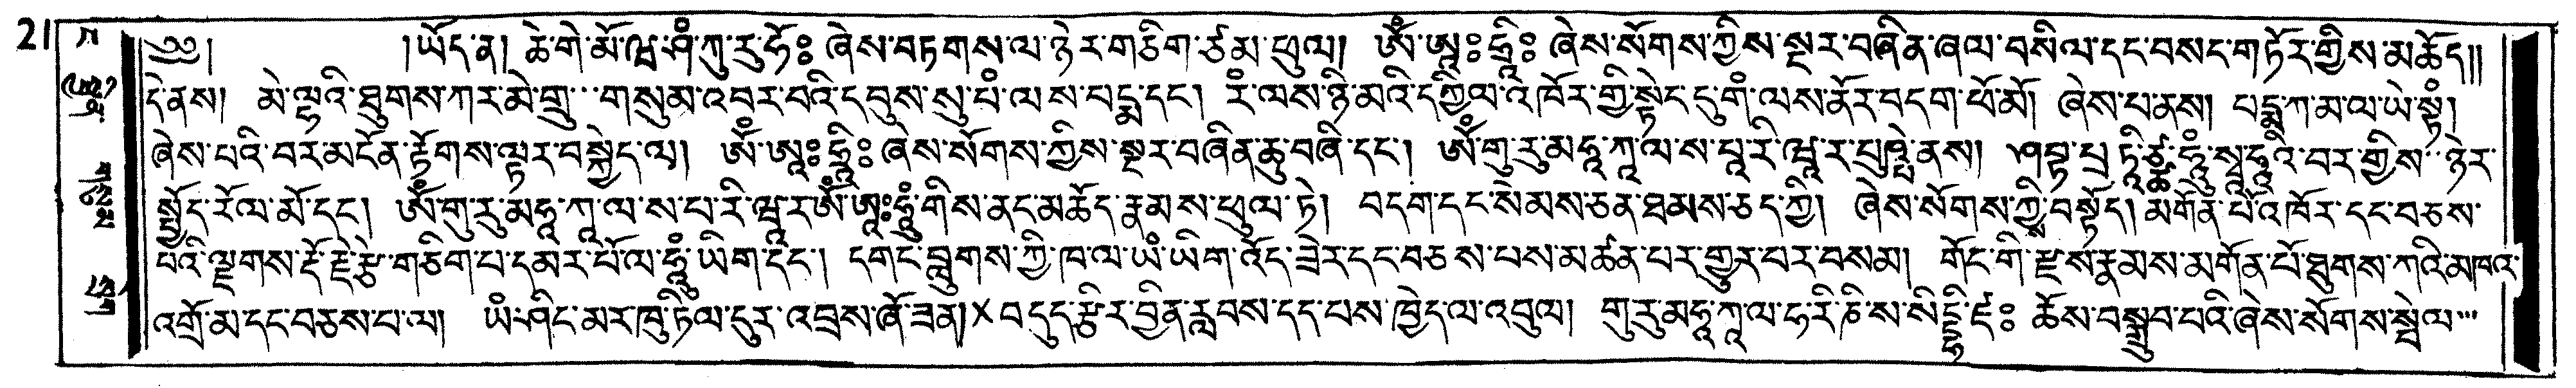༄༅། །ཡོད་ན། ཆེ་གེ་མོ་ཝ་ཤཾ་ཀུ་རུ་ཧོཿ ཞེས་བཏགས་ལ་ཉེར་གཅིག་ཙམ་ཕུལ། ཨོཾ་ཨཱཿ ཧྲཱིཿ ཞེས་སོགས་ཀྱིས་སྔར་བཞིན་ཞལ་བསིལ་དང་བསང་གཏོར་གྱིས་མཆོད། །
དེ་ནས། མེ་ལྷའི་ཐུགས་ཀར་མེ་གྲུ་གསུམ་འབར་བའི་དབུས་སུ་པཾ་ལས་པདམ་དང་། རཾ་ལས་ཉི་མའི་དཀྱིལ་འཁོར་གྱི་སྟེང་དུ་གཾ་ལས་ནོར་བདག་ཕོ་མོ། ཞེས་པ་ནས། པདམ་ཀ་མ་ལ་ཡེ་སྟཾ།
ཞེས་པའི་བར་མངོན་རྟོགས་ལྟར་བསྐྱེད་ལ། ཨོཾ་ཨཱཿ ཧྲཱིཿ ཞེས་སོགས་ཀྱིས་སྔར་བཞིན་ཆུ་བཞི་དང་། ཨོཾ་གུ་རུ་མྷཱ་ཀཱ་ལ་ས་པཱ་རི་ཝཱ་ར་པུཥྤེ་ནས། ཤཔྟ་པྲ་ཏཱི་ཙྪ་ཧཱུཾ་སྭཱ་ཧཱའི་བར་གྱིས་ཉེར་
སྤྱོད་རོལ་མོ་དང་། ཨོཾ་གུ་རུ་མྷཱ་ཀཱ་ལ་ས་པ་རི་ཝཱ་ར་ཨོཾ་ཨཱཿ ཧཱུཾ་གིས་ནང་མཆོད་རྣམས་ཕུལ་ཏེ། བདག་དང་སེམས་ཅན་ཐམས་ཅད་ཀྱི། ཞེས་སོགས་ཀྱིས་བསྟོད། མགོན་པོ་འཁོར་དང་བཅས་
པའི་ལྗགས་རྡོ་རྗེ་རྩེ་གཅིག་པ་དམར་པོ་ལ་ཧཱུཾ་ཡིག་དང་། དགང་བླུགས་ཀྱི་ཁ་ལ་ཡཾ་ཡིག་འོད་ཟེར་དང་བཅས་པས་མཚན་པར་གྱུར་པར་བསམ། གོང་གི་རྫས་རྣམས་མགོན་པོ་ཐུགས་ཀའི་མཁའ་
འགྲོ་མ་དང་བཅས་པ་ལ། ཡཾ་ཤིང་མར་ཁུ་ཏིལ་དུར་འབྲས་ཞོ་ཟན། +་བདུད་རྩིར་བྱིན་རླབས་དད་པས་ཁྱེད་ལ་འབུལ། གུ་རུ་མཧཱ་ཀཱ་ལ་ཧ་རི་ཎི་ས་སིདྡྷི་ཛཿ ཆོས་བསྒྲུབ་པའི་ཞེས་སོགས་སྦེལ་